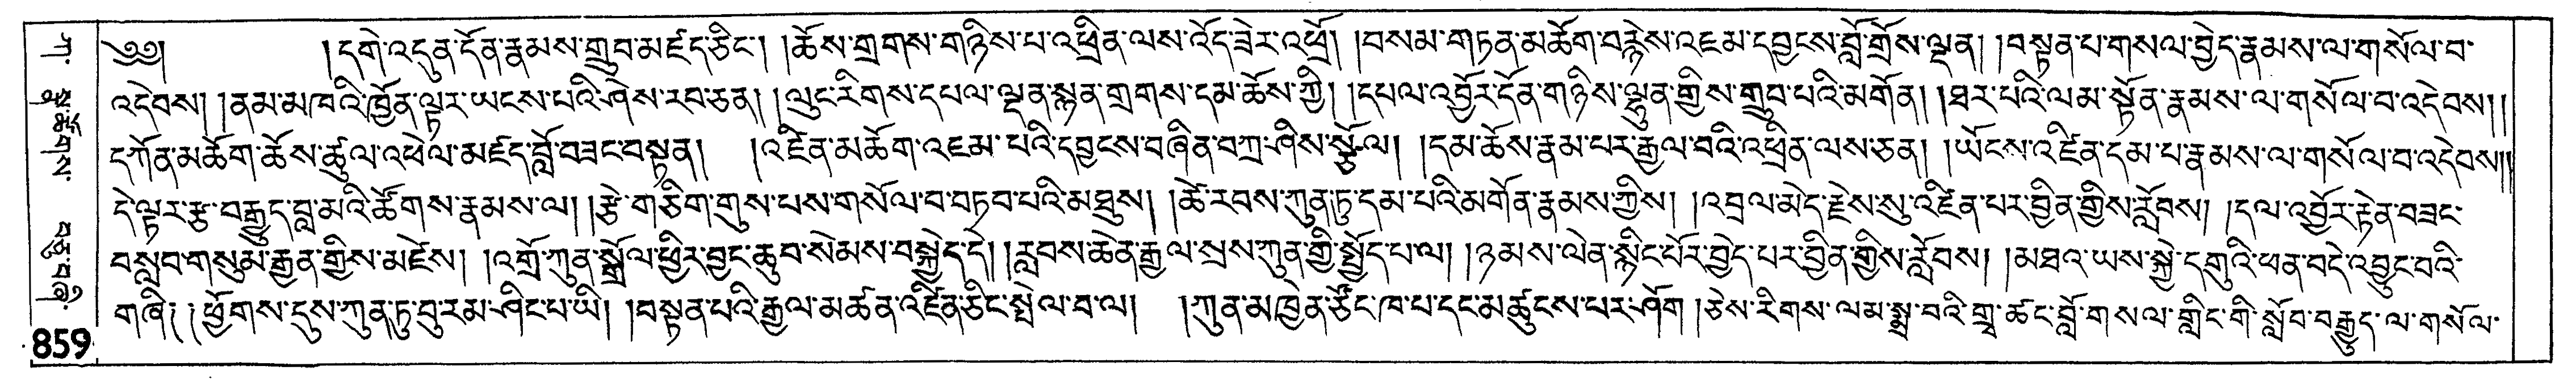༄༅། །དགེ་འདུན་དོན་རྣམས་གྲུབ་མཛད་ཅིང་། །ཆོས་གྲགས་གཉིས་པ་འཕྲིན་ལས་འོད་ཟེར་འཕྲོ། །བསམ་གཏན་མཆོག་བརྙེས་འཇམ་དབྱངས་བློ་གྲོས་ལྡན། །བསྟན་པ་གསལ་བྱེད་རྣམས་ལ་གསོལ་བ་
འདེབས། །ནམ་མཁའི་ཁྱོན་ལྟར་ཡངས་པའི་ཤེས་རབ་ཅན། །ལུང་རིགས་དཔལ་ལྡན་སྙན་གྲགས་དམ་ཆོས་ཀྱི། །དཔལ་འབྱོར་དོན་གཉིས་ལྷུན་གྱིས་གྲུབ་པའི་མགོན། །ཐར་པའི་ལམ་སྟོན་རྣམས་ལ་གསོལ་བ་འདེབས། །
དཀོན་མཆོག་ཆོས་ཚུལ་འཕེལ་མཛད་བློ་བཟང་བསྟན། །འཛིན་མཆོག་འཇམ་པའི་དབྱངས་བཞིན་བཀྲ་ཤིས་སྩོལ། །དམ་ཆོས་རྣམ་པར་རྒྱལ་བའི་འཕྲིན་ལས་ཅན། །ཡོངས་འཛིན་དམ་པ་རྣམས་ལ་གསོལ་བ་འདེབས། །
དེ་ལྟར་རྩ་བརྒྱུད་བླ་མའི་ཚོགས་རྣམས་ལ། །རྩེ་གཅིག་གུས་པས་གསོལ་བ་བཏབ་པའི་མཐུས། །ཚེ་རབས་ཀུན་ཏུ་དམ་པའི་མགོན་རྣམས་ཀྱིས། །འབྲལ་མེད་རྗེས་སུ་འཛིན་པར་བྱིན་གྱིས་རློབས། །དལ་འབྱོར་རྟེན་བཟང་
བསླབ་གསུམ་རྒྱན་གྱིས་མཛེས། །འགྲོ་ཀུན་སྒྲོལ་ཕྱིར་བྱང་ཆུབ་སེམས་བསྐྱེད་དེ། །རླབས་ཆེན་རྒྱལ་སྲས་ཀུན་གྱི་སྤྱོད་པ་ལ། །ཉམས་ལེན་སྙིང་པོར་བྱེད་པར་བྱིན་གྱིས་རློབས། །མཐའ་ཡས་སྐྱེ་དགུའི་ཕན་བདེ་འབྱུང་བའི་
གཞི། །ཕྱོགས་དུས་ཀུན་ཏུ་བུ་རམ་ཤིང་པ་ཡི། །བསྟན་པའི་རྒྱལ་མཚན་འཛིན་ཅིང་སྤེལ་བ་ལ། །ཀུན་མཁྱེན་ཙོང་ཁ་པ་དང་མཚུངས་པར་ཤོག །ཅེས་རིགས་ལམ་སྨྲ་བའི་གྲྭ་ཚང་བློ་གསལ་གླིང་གི་སློབ་བརྒྱུད་ལ་གསོལ་